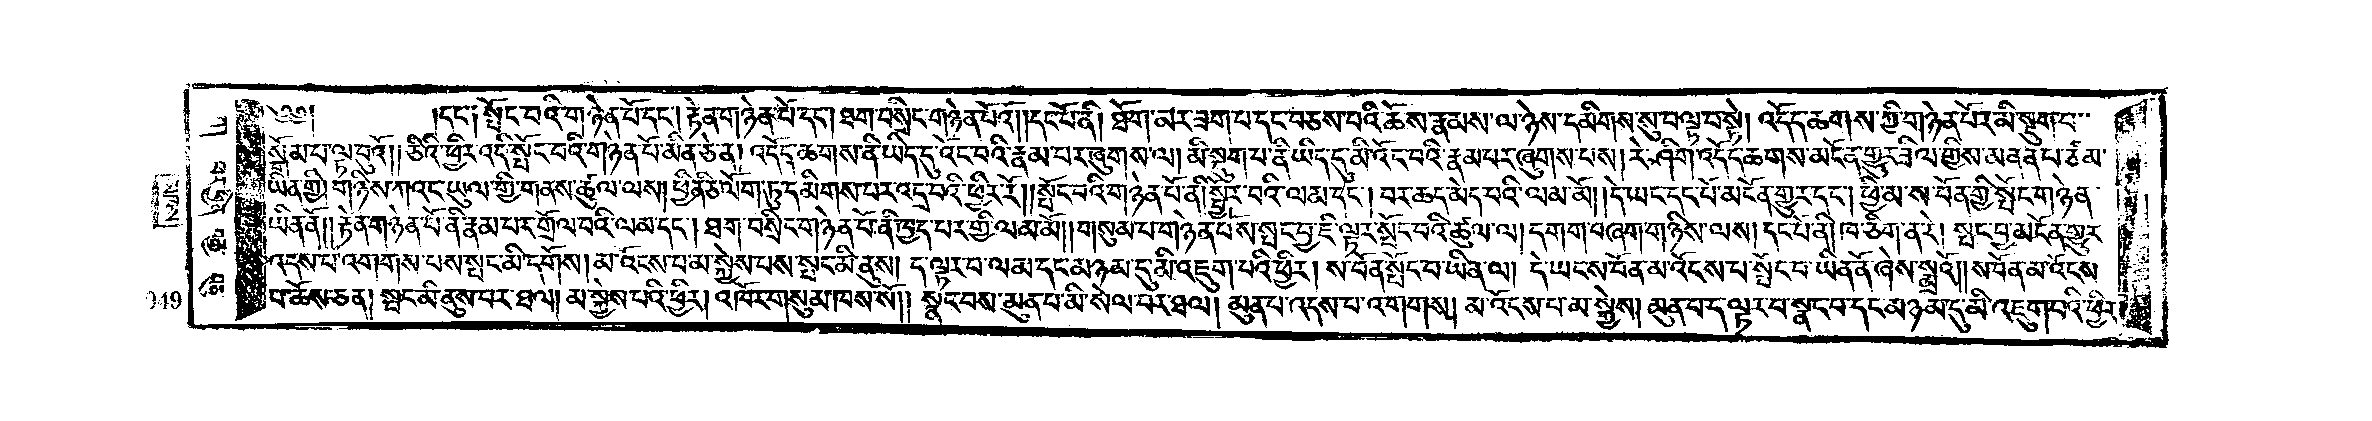༄༅། །དངའ་སྤོང་བའི་གཉེན་པོ་དང་། རྟེན་གཉེན་པོ་དང་། ཐག་བསྲིང་གཉེན་པོའོ། །དང་པོ་ནི། ཐོག་མར་ཟག་པ་དང་བཅས་པའི་ཆོས་རྣམས་ལ་ཉེས་དམིགས་སུ་བལྟ་བ་སྟེ། འདོད་ཆགས་ཀྱི་གཉེན་པོར་མི་སྡུག་པ་
སྒོམ་པ་ལྟ་བུའོ། །ཅིའི་ཕྱིར་འདི་སྤོང་བའི་གཉེན་པོ་མིན་ཅེ་ན། འདོད་ཆགས་ནི་ཡིད་དུ་འོང་བའི་རྣམ་པར་ཞུགས་ལ། མི་སྡུག་པ་ནི་ཡིད་དུ་མི་འོང་བའི་རྣམ་པར་ཞུགས་པས། རེ་ཤིག་འདོད་ཆགས་མངོན་གྱུར་ཟིལ་གྱིས་མནན་པ་ཙམ་
ཡིན་གྱི། གཉིས་ཀའང་ཡུལ་གྱི་གནས་ཚུལ་ལས། ཕྱིན་ཅི་ལོག་ཏུ་དམིགས་པར་འདྲ་བའི་ཕྱིར་རོ། །སྤོང་བའི་གཉེན་པོ་ནི། སྦྱོར་བའི་ལམ་དང་། བར་ཆད་མེད་པའི་ལམ་མོ། །དེ་ཡང་དང་པོ་མངོན་གྱུར་དང་། ཕྱི་མ་ས་བོན་གྱི་སྤོང་གཉེན་
ཡིན་ནོ། །རྟེན་གཉེན་པོ་ནི་རྣམ་པར་གྲོལ་བའི་ལམ་དང་། ཐག་བསྲིང་གཉེན་པོ་ནི་ཁྱད་པར་གྱི་ལམ་མོ། །གསུམ་པ་གཉེན་པོས་སྤང་བྱ་ཇི་ལྟར་སྤོང་བའི་ཚུལ་ལ། དགག་བཞག་གཉིས་ལས། དང་པོ་ནི། ཁ་ཅིག་ན་རེ། སྤང་བྱ་མངོན་གྱུར་
འདས་པ་འགགས་པས་སྤང་མི་དགོས། མ་འོངས་པ་མ་སྐྱེས་པས་སྤང་མི་ནུས། ད་ལྟར་བ་ལམ་དང་མཉམ་དུ་མི་འཇུག་པའི་ཕྱིར། ས་བོན་སྤོང་བ་ཡིན་ལ། དེ་ཡང་ས་བོན་མ་འོངས་པ་སྤོང་བ་ཡིན་ནོ་ཞེས་སྨྲའོ། །ས་བོན་མ་འོངས་
པ་ཆོས་ཅན། སྤང་མི་ནུས་པར་ཐལ། མ་སྐྱེས་པའི་ཕྱིར། འཁོར་གསུམ་ཁས་སོ། །སྣང་བས་མུན་པ་མི་སེལ་བར་ཐལ། མུན་པ་འདས་པ་འགགས། མ་འོངས་པ་མ་སྐྱེས། མུན་པ་ད་ལྟར་བ་སྣང་བ་དང་མཉམ་དུ་མི་འཇུག་པའི་ཕྱིར་